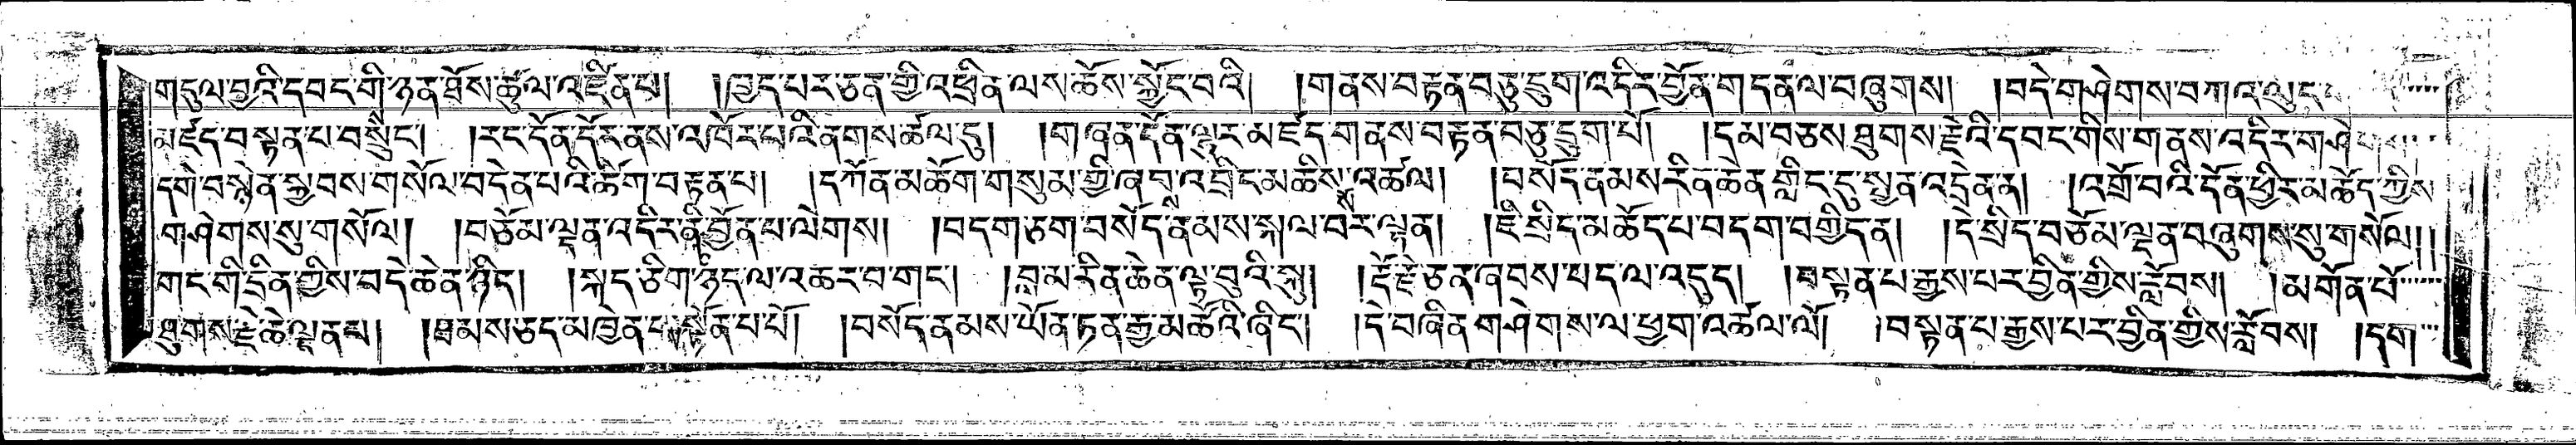གདུལ་བྱའི་དབང་གིས་ཉན་ཐོས་ཚུལ་འཛིན་པ། །ཁྱད་པར་ཅན་གྱི་འཕྲིན་ལས་ཆོས་སྐྱོང་བའི། །གནས་བརྟན་བཅུ་དྲུག་འདིར་བྱོན་གདན་ལ་བཞུགས། །བདེ་གཤེགས་བཀའ་ལུང་གཙོར་
མཛད་བསྟན་པ་བསྲུང་། །རང་དོན་དོར་ནས་འཁོར་བའི་ནགས་ཚལ་དུ། །གཞན་དོན་ལྷུར་མཛད་གནས་བརྟན་བཅུ་དྲུག་པོ། །དམ་བཅས་ཐུགས་རྗེའི་དབང་གིས་གནས་འདིར་གཤེགས། །
དགེ་བསྙེན་སྐྱབས་གསོལ་བདེན་པའི་ཚིག་བརྟན་པ། །དཀོན་མཆོག་གསུམ་གྱི་ཞབས་འབྲིང་མཆིས་སོ་འཚལ། །བསོད་ནམས་རིན་ཆེན་གླིང་དུ་སྤྱན་འདྲེན་ན། །འགྲོ་བའི་དོན་ཕྱིར་མཆོད་ཀྱིས་
གཤེགས་སུ་གསོལ། །བཅོམ་ལྡན་འདིར་ནི་བྱོན་པ་ལེགས། །བདག་ཅག་བསོད་ནམས་སྐལ་བར་ལྡན། །ཇི་སྲིད་མཆོད་པ་བདག་བགྱིད་ན། །དེ་སྲིད་བཅོམ་ལྡན་བཞུགས་སུ་གསོལ། །
གང་གི་དྲིན་གྱིས་བདེ་ཆེན་ཉིད། །སྐད་ཅིག་ཉིད་ལ་འཆར་བ་གང་། །བླ་མ་རིན་ཆེན་ལྟ་བུའི་སྐུ། །རྡོ་རྗེ་ཅན་ཞབས་པད་ལ་འདུད། །བསྟན་པ་རྒྱས་པར་བྱིན་གྱིས་རློབས། །མགོན་པོ་
ཐུགས་རྗེ་ཆེ་ལྡན་པ། །ཐམས་ཅད་མཁྱེན་པས་སྟོན་པ་པོ། །བསོད་ནམས་ཡོན་ཏན་རྒྱ་མཚོའི་ཞིང་། །དེ་བཞིན་གཤེགས་ལ་ཕྱག་འཚལ་ལོ། །བསྟན་པ་རྒྱས་པར་བྱིན་གྱིས་རློབས། །དག་